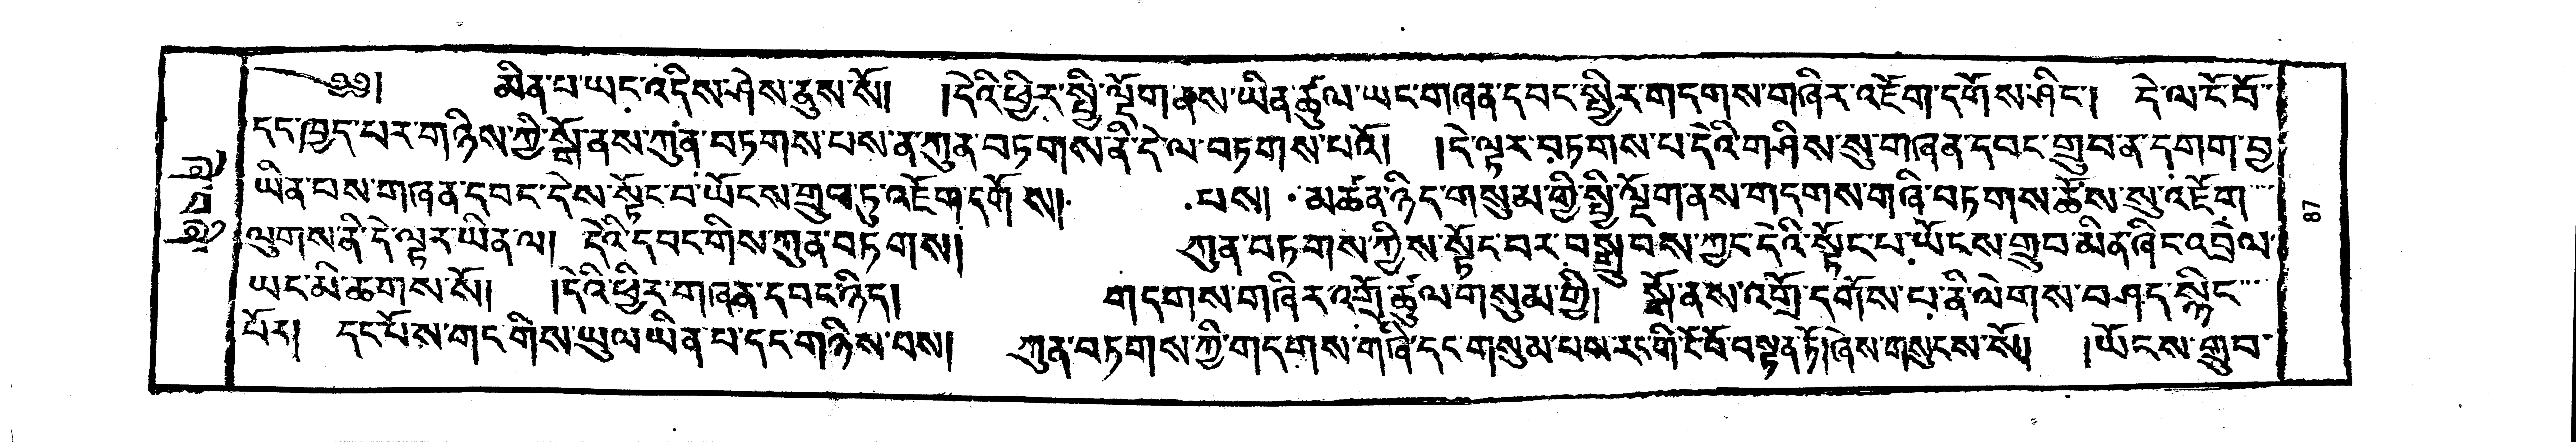༄༅། །མིན་པ་ཡང་འདིས་ཤེས་ནུས་སོ། །དེའི་ཕྱིར་སྤྱི་ལྡོག་ནས་ཡིན་ཚུལ་ཡང་གཞན་དབང་སྤྱིར་གདགས་གཞིར་འཇོག་དགོས་ཤིང་། དེ་ལ་ངོ་བོ་
དང་ཁྱད་པར་གཉིས་ཀྱི་སྒོ་ནས་ཀུན་བཏགས་པས་ན་ཀུན་བཏགས་ནི་དེ་ལ་བཏགས་པའོ། །དེ་ལྟར་བཏགས་པ་དེའི་གཤིས་སུ་གཞན་དབང་གྲུབ་ན་དགག་བྱ་
ཡིན་པས་གཞན་དབང་དེས་སྟོང་པ་ཡོངས་གྲུབ་ཏུ་འཇོག་དགོས། པས། མཚན་ཉིད་གསུམ་གྱི་སྤྱི་ལྡོག་ནས་གདགས་གཞི་བཏགས་ཆོས་སུ་འཇོག་
ལུགས་ནི་དེ་ལྟར་ཡིན་ལ། དེའི་དབང་གིས་ཀུན་བཏགས། ཀུན་བཏགས་ཀྱིས་སྟོང་པར་བསྒྲུབས་ཀྱང་དེའི་སྟོང་པ་ཡོངས་གྲུབ་མིན་ཞིང་འབྲེལ་
ཡང་མི་ཆགས་སོ། །དེའི་ཕྱིར་གཞན་དབང་ཉིད། གདགས་གཞིར་འགྲོ་ཚུལ་གསུམ་གྱི། སྒོ་ནས་འགྲོ་དགོས་པ་ནི་ལེགས་བཤད་སྙིང་པོར།
དང་པོས་གང་གིས་ཡུལ་ཡིན་པ་དང་གཉིས་པས། ཀུན་བཏགས་ཀྱི་གདགས་གཞི་དང་གསུམ་པས་རང་གི་ངོ་བོ་བསྟན་ཏོ། ཞེས་གསུངས་སོ། །ཡོངས་གྲུབ་